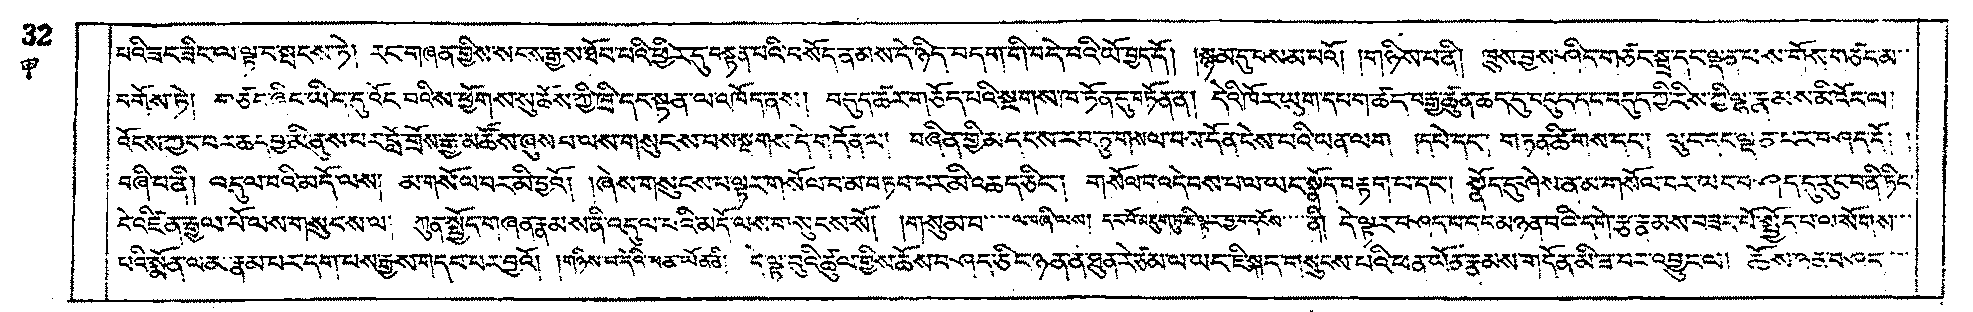པའི་ཟང་ཟིང་ལ་ལྟ་བ་སྤངས་ཏེ། རང་གཞན་གྱིས་སངས་རྒྱས་ཐོབ་པའི་ཕྱིར་དུ་བསྟན་པའི་བསོད་ནམས་དེ་ཉིད་བདག་གི་བདེ་བའི་ཡོ་བྱད་དོ། །སྙམ་དུ་བསམ་པའོ། །གཉིས་པ་ནི། ཁྲུས་བྱས་ཤིང་གཙང་སྤྲ་དང་ལྡན་པས་གོས་གཙང་མ་
བགོས་ཏེ། གཙང་ཞིང་ཡིད་དུ་འོང་བའི་ས་ཕྱོགས་སུ་ཆོས་ཀྱི་ཁྲི་དང་སྟན་ལ་འཁོད་ནས། བདུད་ཚར་གཅོད་པའི་སྔགས་ཁ་ཏོན་དུ་བཏོན་ན། དེའི་ཁོར་ཡུག་དཔག་ཚད་བརྒྱ་ཚུན་ཆད་དུ་བདུད་དང་བདུད་ཀྱི་རིས་ཀྱི་ལྷ་རྣམས་མི་འོང་ལ།
འོངས་ཀྱང་བར་ཆད་བྱ་མི་ནུས་པར་བློ་གྲོས་རྒྱ་མཚོས་ཞུས་པ་ལས་གསུངས་པས་སྔགས་དེ་གདོན་ལ། བཞིན་གྱི་མདངས་རབ་ཏུ་གསལ་བས་དོན་ངེས་པའི་ཡན་ལག། དཔེ་དང་། གཏན་ཚིགས་དང་། ལུང་དང་ལྡན་པར་བཤད་དོ། །
བཞི་པ་ནི། འདུལ་བའི་མདོ་ལས། མ་གསོལ་བར་མི་བྱའོ། །ཞེས་གསུངས་པ་ལྟར་གསོལ་བ་མ་བཏབ་པར་མི་འཆད་ཅིང་། གསོལ་བ་འདེབས་པ་ལ་ཡང་སྣོད་བརྟག་པ་དང་། སྣོད་དུ་ཤེས་ན་མ་གསོལ་བར་ཡང་བཤད་དུ་རུང་བ་ནི་ཏིང་
དེ་འཛིན་རྒྱལ་པོ་ལས་གསུངས་ལ། ཀུན་སྤྱོད་གཞན་རྣམས་ནི་འདུལ་བའི་མདོ་ལས་གསུངས་སོ། །གསུམ་པལ་བཞི་ལས། དང་པོ་མཇུག་ཏུ་ཇི་ལྟར་བྱ་བ་དངོསནི། དེ་ལྟར་བཤད་པ་དང་མཉན་པའི་དགེ་རྩ་རྣམས་བཟང་པོ་སྤྱོད་པ་ལ་སོགས་
པའི་སྨོན་ལམ་རྣམ་པར་དག་པས་རྒྱས་གདབ་པར་བྱའོ། ། གཉིས་པ་དེའི་ཕན་ཡོན་ནི། དེ་ལྟ་བུའི་ཚུལ་གྱིས་ཆོས་བཤད་ཅིང་ཉན་ན་ཐུན་རེ་ཙམ་ལ་ཡང་ཇི་སྐད་གསུངས་པའི་ཕན་ཡོན་རྣམས་གདོན་མི་ཟ་བར་འབྱུང་ལ། ཆོས་ཉན་བཤད་